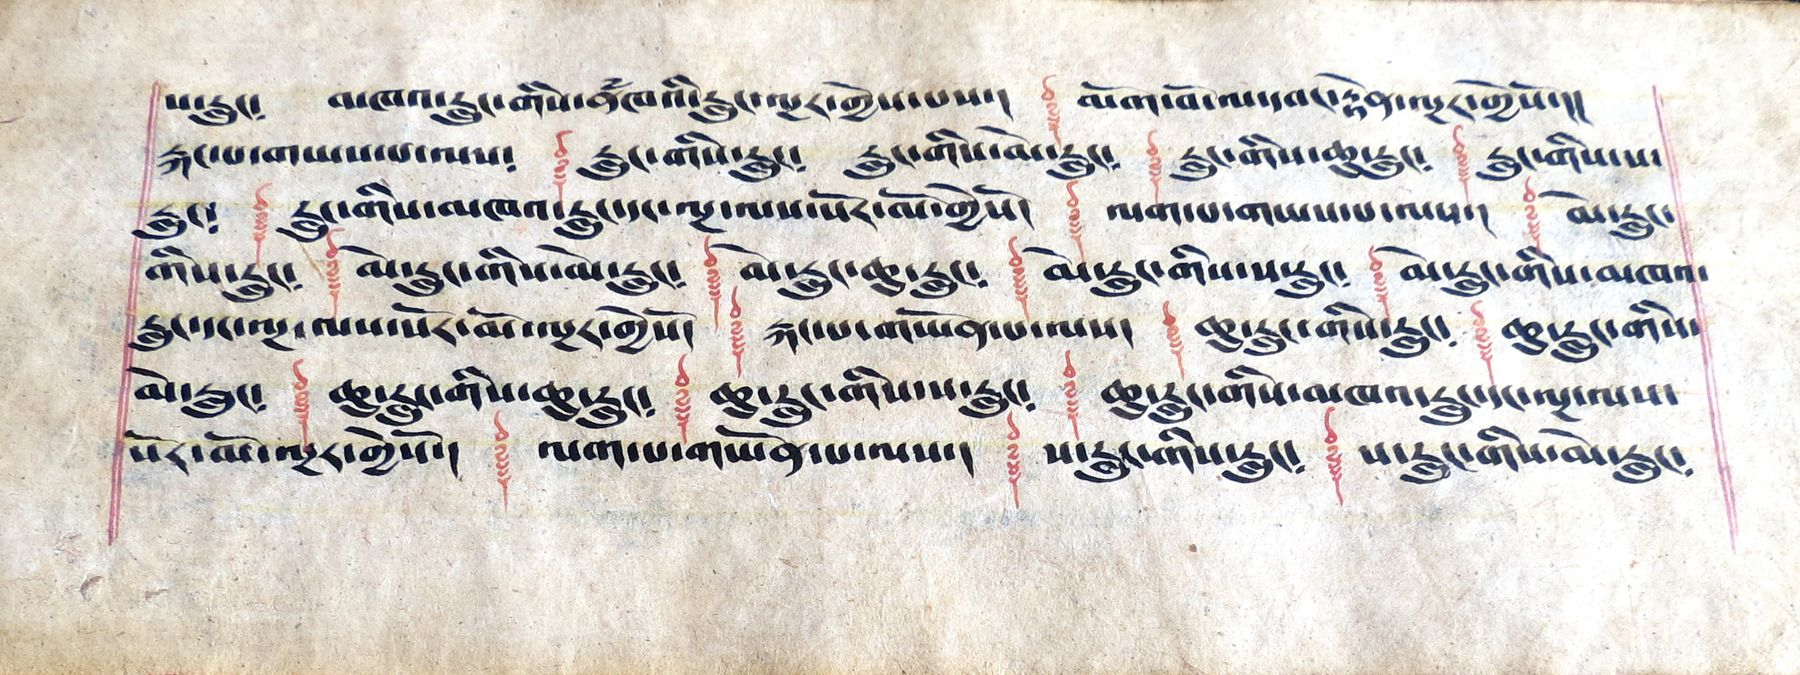ས་རླུང་། མཁའ་རླུང་གི་ནམ་མཁའི་རླུང་ལྔར་གྱེས་པས། མགོ་ལ་དབང་རྟེན་ལྔར་གྱེས་སོ། །
རྐང་པ་གཡས་པ་ལས། རླུང་གི་རླུང་། རླུང་གི་མེ་རླུང་། རླུང་གི་ཆུ་རླུང་། རླུང་གི་ས་
རླུང་། རླུང་གི་མཁའ་རླུང་དང་ལྔ་ལས་སོར་མོ་ལྔར་གྱེས་སོ། །ལག་པ་གཡས་པ་ལས། མེ་རླུང་
གི་རླུང་། མེ་རླུང་གི་མེ་རླུང་། མེ་རླུང་གི་ཆུ་རླུང་། མེ་རླུང་གི་ས་རླུང་། མེ་རླུང་གི་མཁའ་
རླུང་དང་ལྔ་ལས་སོར་མོ་ལྔར་གྱེས་སོ། །རྐང་པ་གཡོན་པ་ལས། ཆུ་རླུང་གི་རླུང་། ཆུ་རླུང་གི་
མེ་རླུང་། ཆུ་རླུང་གི་ཆུ་རླུང་། ཆུ་རླུང་གི་ས་རླུང་། ཆུ་རླུང་གི་མཁའ་རླུང་དང་ལྔ་ལས་
སོར་མོ་ལྔར་གྱེས་སོ། །ལག་པ་གཡོན་པ་ལས། ས་རླུང་གི་རླུང་། ས་རླུང་གི་མེ་རླུང་།